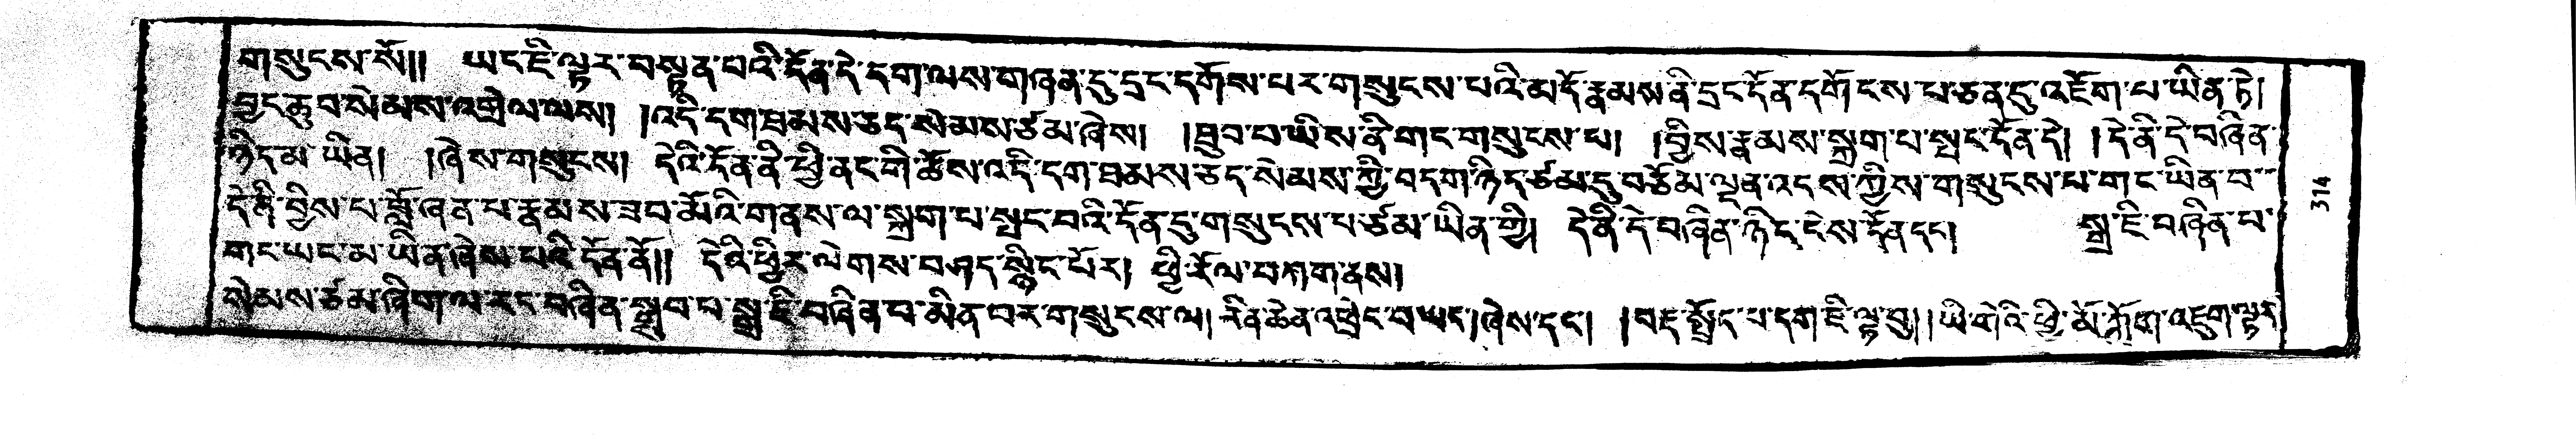གསུངས་སོ། །ཡང་ཇི་ལྟར་བསྟན་པའི་དོན་དེ་དག་ལས་གཞན་དུ་དྲང་དགོས་པར་གསུངས་པའི་མདོ་རྣམས་ནི་དྲང་དོན་དགོངས་པ་ཅན་དུ་འཇོག་པ་ཡིན་ཏེ།
བྱང་ཆུབ་སེམས་འགྲེལ་ལས། །འདི་དག་ཐམས་ཅད་སེམས་ཙམ་ཞེས། །ཐུབ་པ་ཡིས་ནི་གང་གསུངས་པ། །བྱིས་རྣམས་སྐྲག་པ་སྤང་དོན་དེ། །དེ་ནི་དེ་བཞིན་
ཉིད་མ་ཡིན། །ཞེས་གསུངས། དེའི་དོན་ནི་ཕྱི་ནང་གི་ཆོས་འདི་དག་ཐམས་ཅད་སེམས་ཀྱི་བདག་ཉིད་ཙམ་དུ་བཅོམ་ལྡན་འདས་ཀྱིས་གསུངས་པ་གང་ཡིན་པ་
དེ་ནི་བྱིས་པ་བློ་ཞན་པ་རྣམས་ཟབ་མོའི་གནས་ལ་སྐྲག་པ་སྤང་བའི་དོན་དུ་གསུངས་པ་ཙམ་ཡིན་གྱི། དེ་ནི་དེ་བཞིན་ཉིད་ངེས་དོན་དང་། སྒྲ་ཇི་བཞིན་པ་
གང་ཡང་མ་ཡིན་ཞེས་པའི་དོན་ནོ། །དེའི་ཕྱིར་ལེགས་བཤད་སྙིང་པོར། ཕྱི་རོལ་བཀག་ནས།
སེམས་ཙམ་ཞིག་ལ་རང་བཞིན་སྒྲུབ་པ་སྒྲ་ཇི་བཞིན་བ་མིན་པར་གསུངས་ལ། རིན་ཆེན་འཕྲེང་བ་ཡང་། ཞེས་དང་། བརྡ་སྤྲོད་པ་དག་ཇི་ལྟ་བུ། །ཡི་གེའི་ཕྱི་མོ་ཀློག་འཇུག་ལྟར་